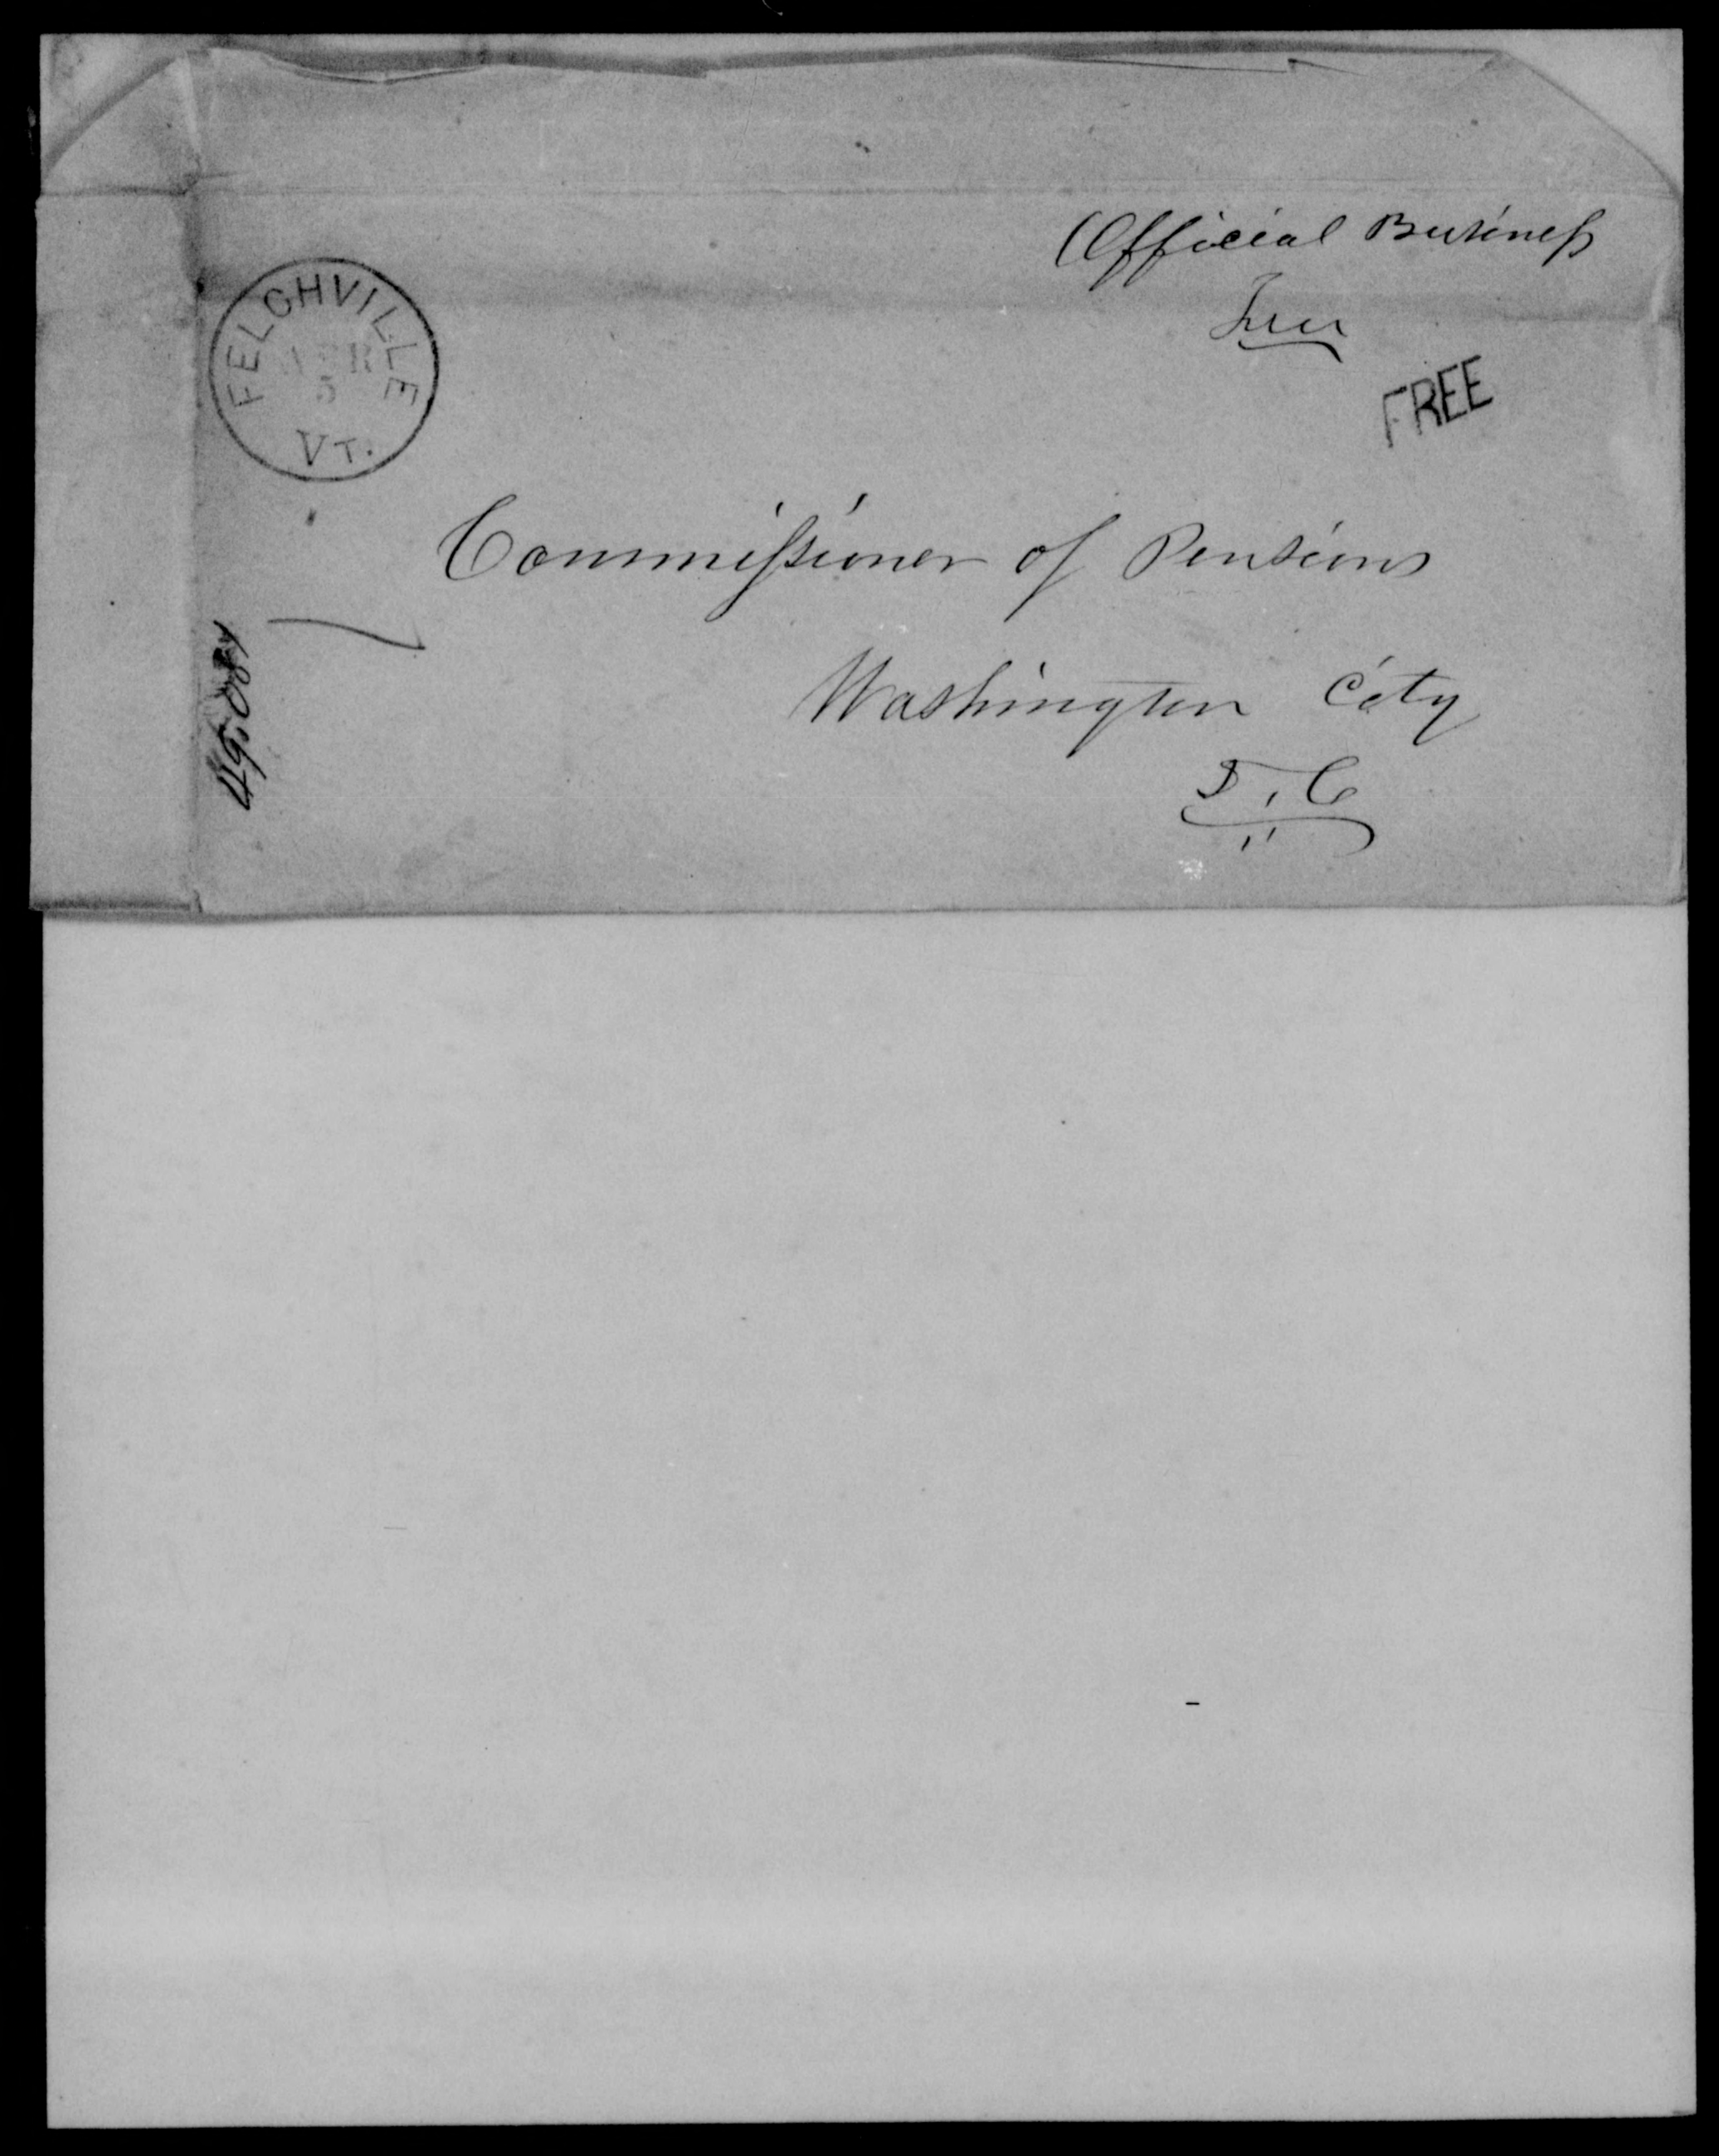Official Business
Free

Commissioner of Pensions
Washington City
D.C.

Post Mark-Felchville Vt. Apr 5

49.081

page: 64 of 66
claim: widow's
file: W. 2468, Amos Wetherbee, Mass.